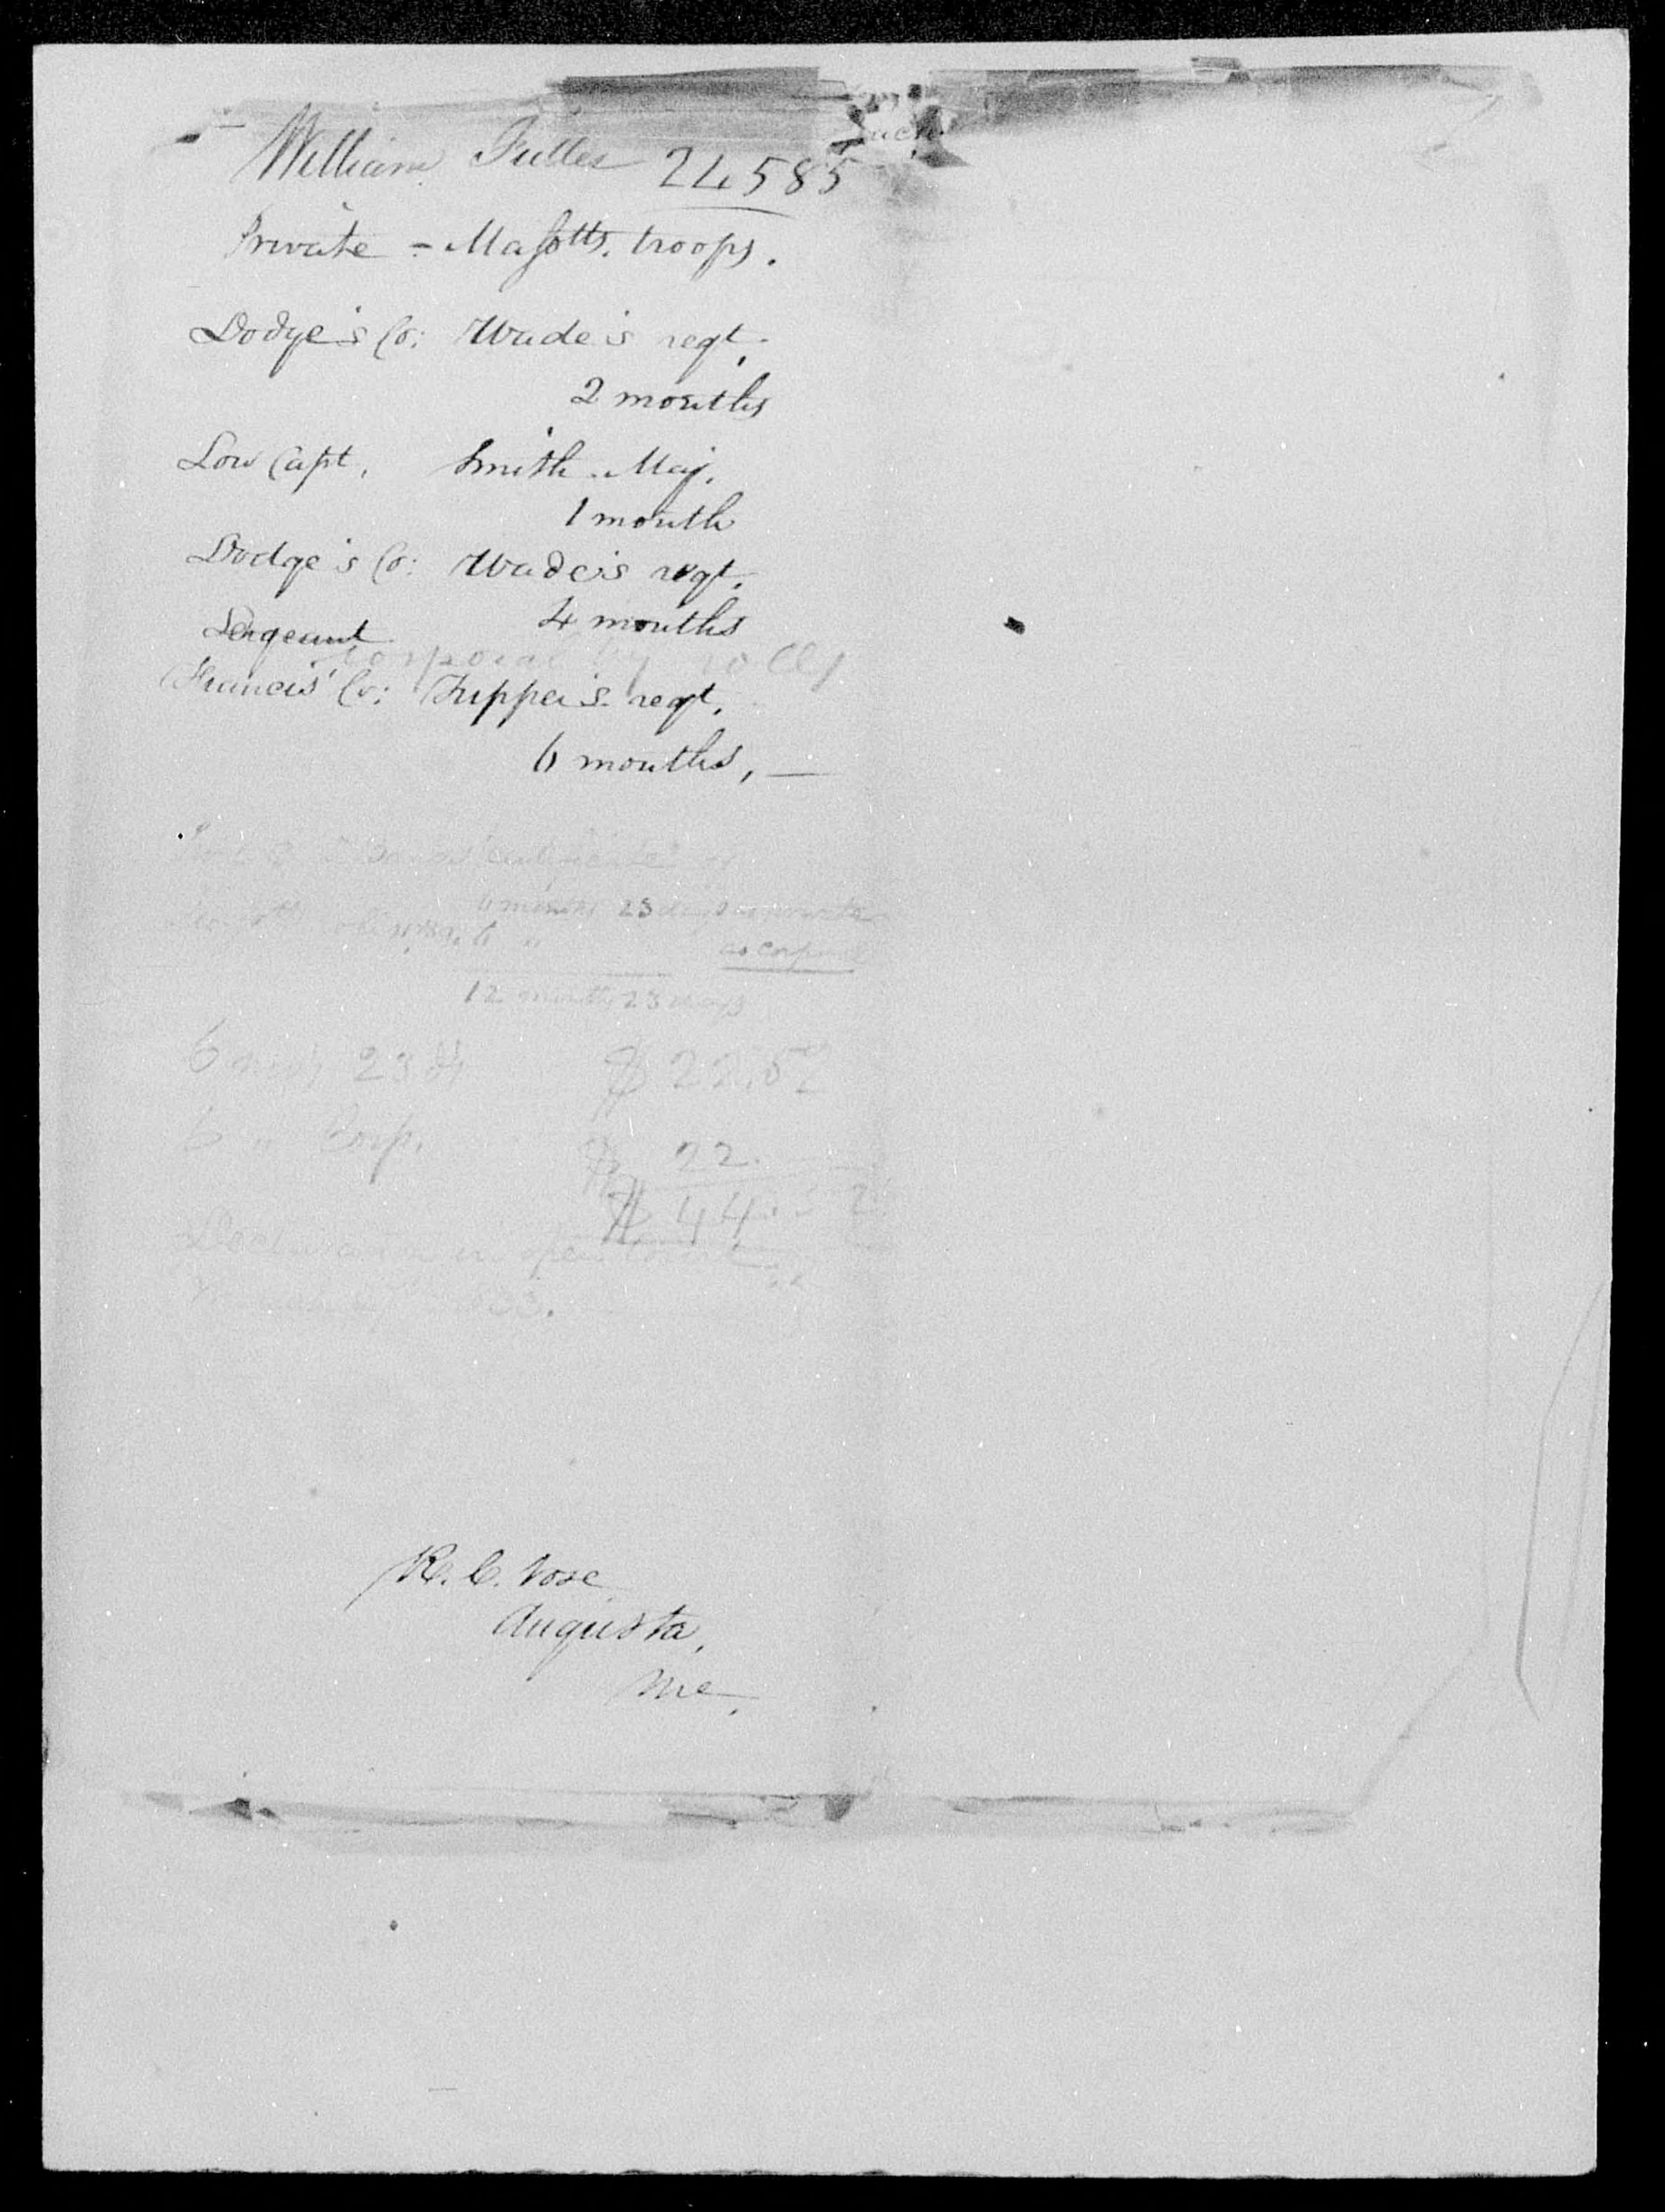William Fuller 24585
Private – Masstts. Troops.
Dodge’s Co: Wade’s regt,
2 months
Low Capt. Smiths Maj.
1 month
Dodge’s Co: Wade’s regt,
4 months
[crossed out: Sergeant] [added in pencil: Corporal by rolls]
Francis' Co: Tupper’s regt,
6 months,_
[added in faint pencil]
[illegible] Certificate of 
6 months 23 days as private
[illegible] 6 months as corporal
12 months 23 days

6 mon’s 23d’y  $22.52
6 mon’s Corp.  $22.
$44.52
Declaration in open Court.
Massachusetts cc.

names: William Fuller, R C Vose, Low, Smith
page: 4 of 45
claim: widow's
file: W. 17933, William Fuller, Mass